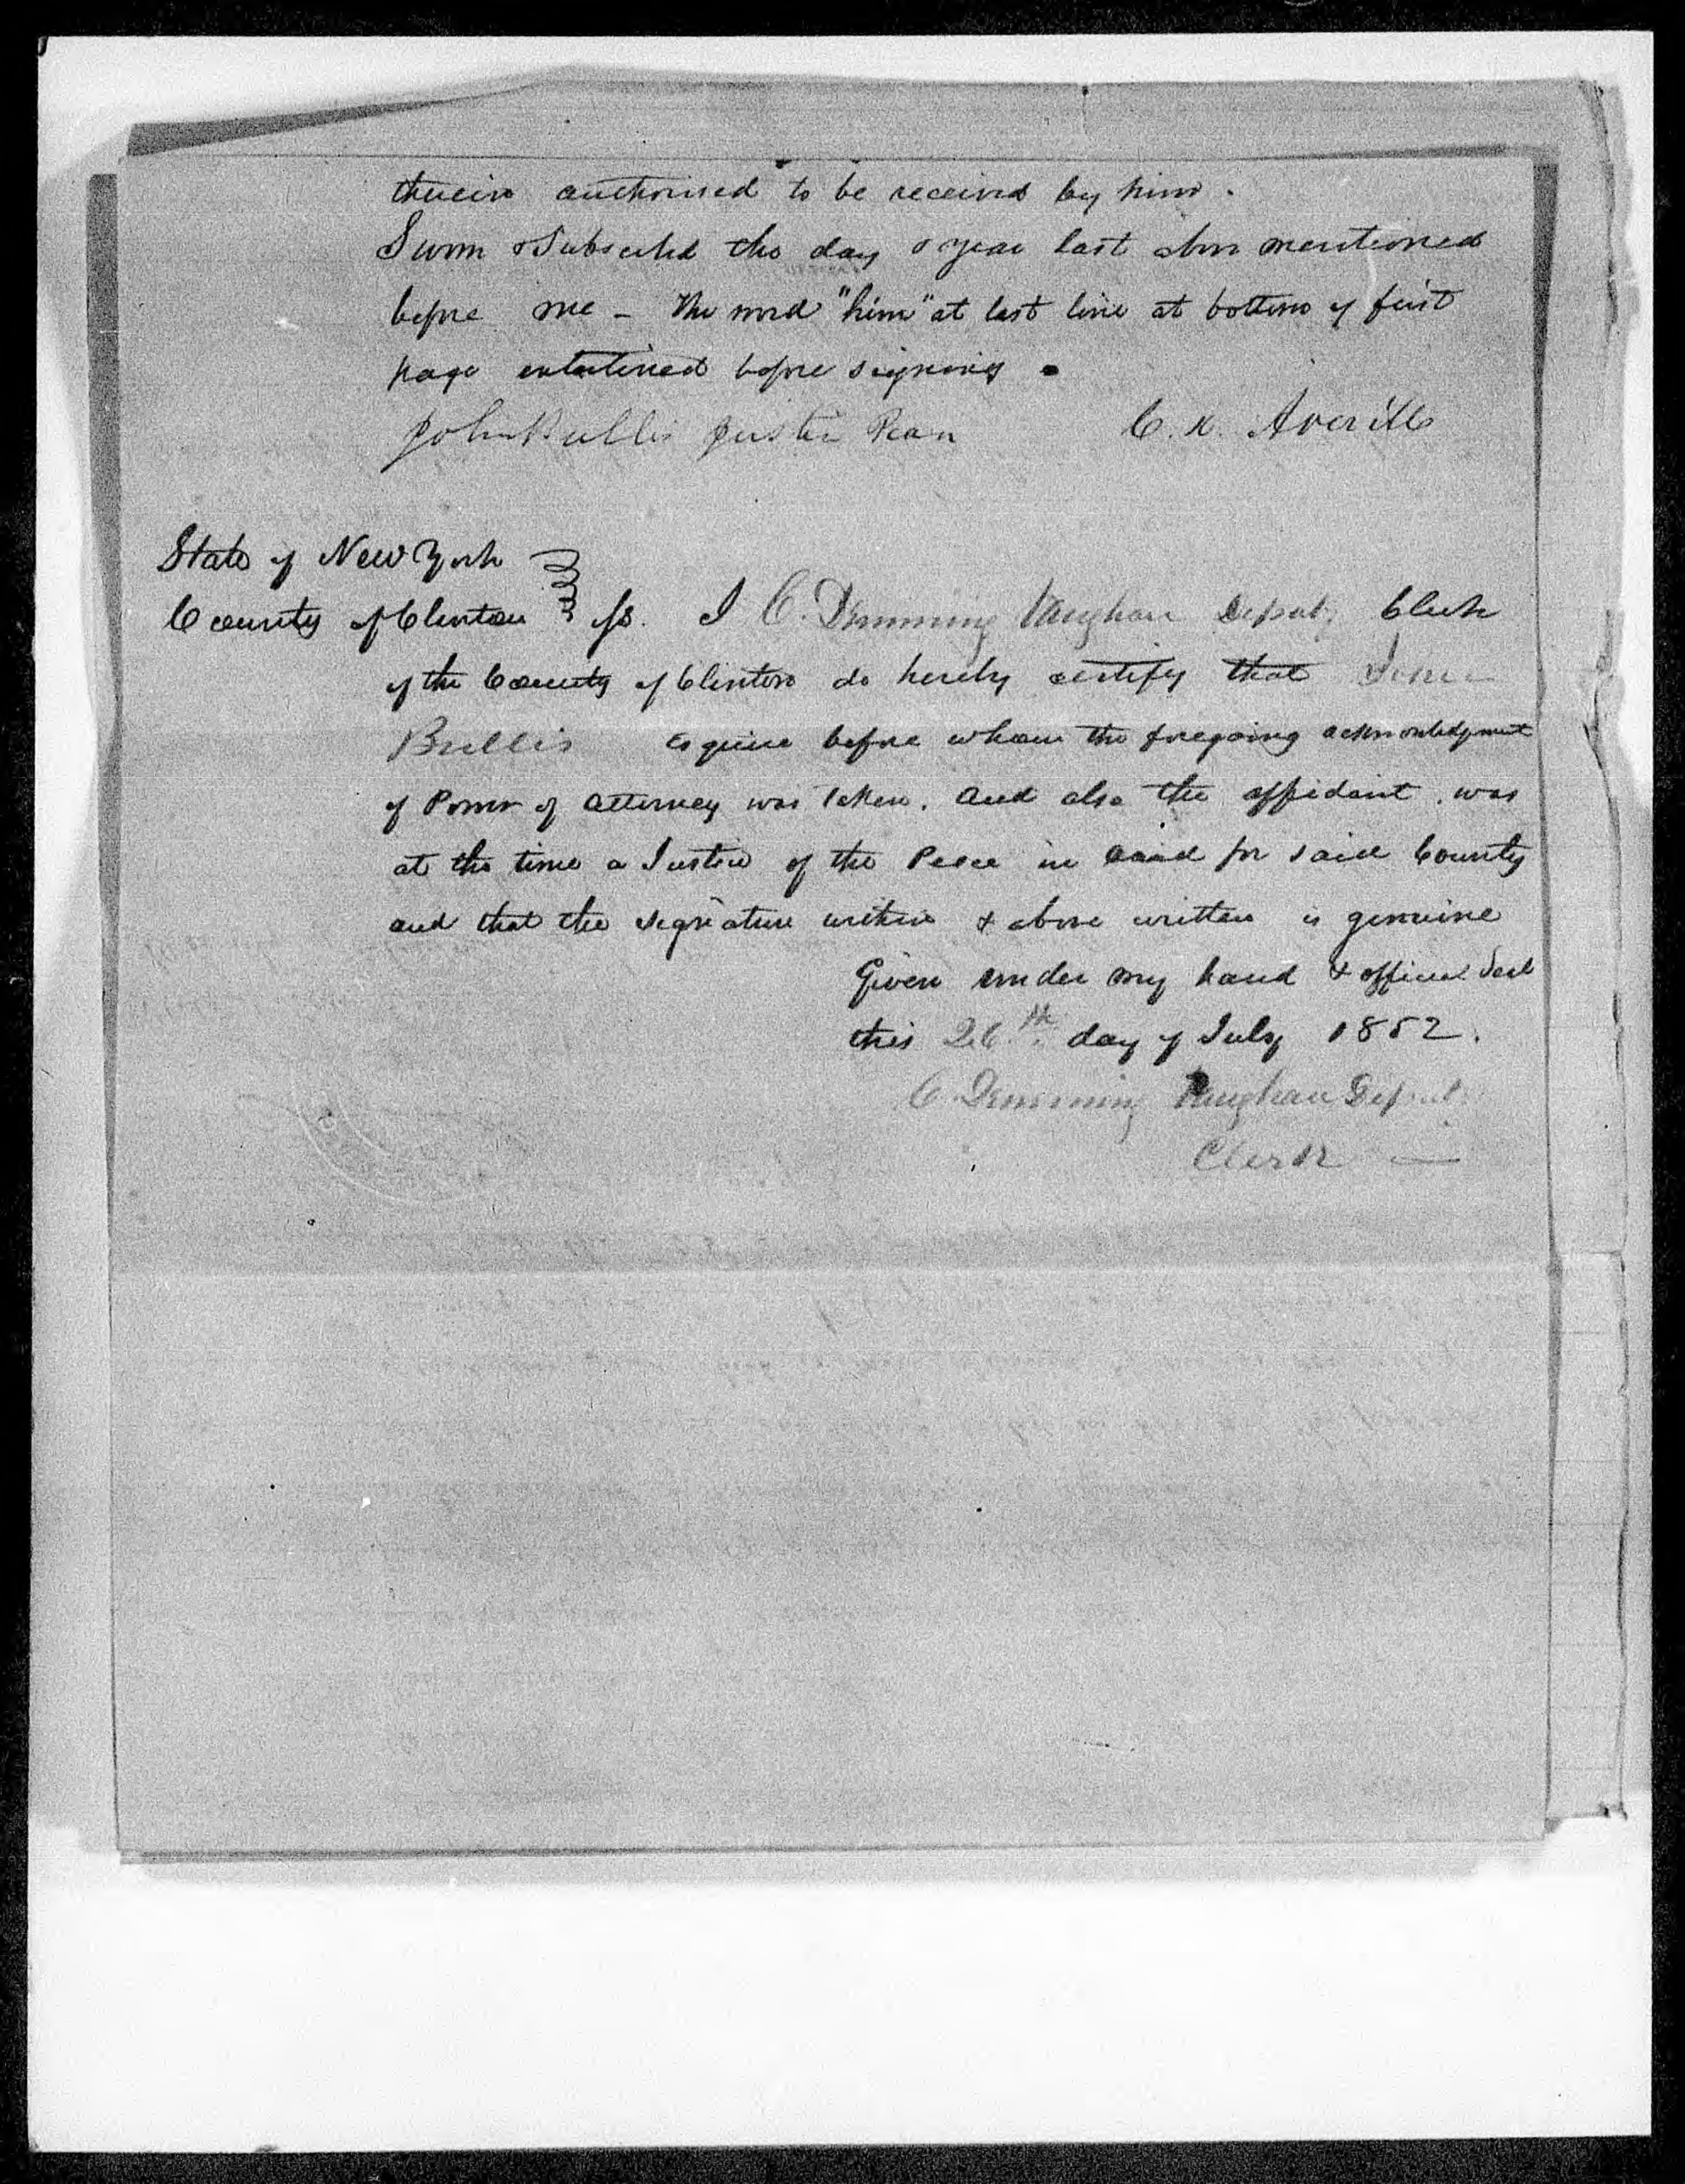therein authorised to be received by him.
Sworn & Subscribed the day & year last above mentioned before me - The word "him" at last line at bottom of first page interlined before signing.
John Bullis Justice Peace 
C. K. Averill

State of New York
County of Clinton ss  
I C. Demming Vanghan Deputy Clerk of the County of Clinton do hereby certify that John Bulllis Esquire before whom the foregoing 
acknowledgement of Power of Attorney was taken, and also the affidavit was at the time a Justice of the Peace in said for said County and that the signature within & above written is genuine.
Given under my hand & office seal this 26th day of July 1852,
C. Demming Vaughan   Deputy Clerk  (seal)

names: John Bullis, C Demming Vaughan, C K Averill, John Bullis, C Demming Vaughan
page: 53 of 98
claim: widow's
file: W. 21182, Francis Gigo, Continental (Canadian)